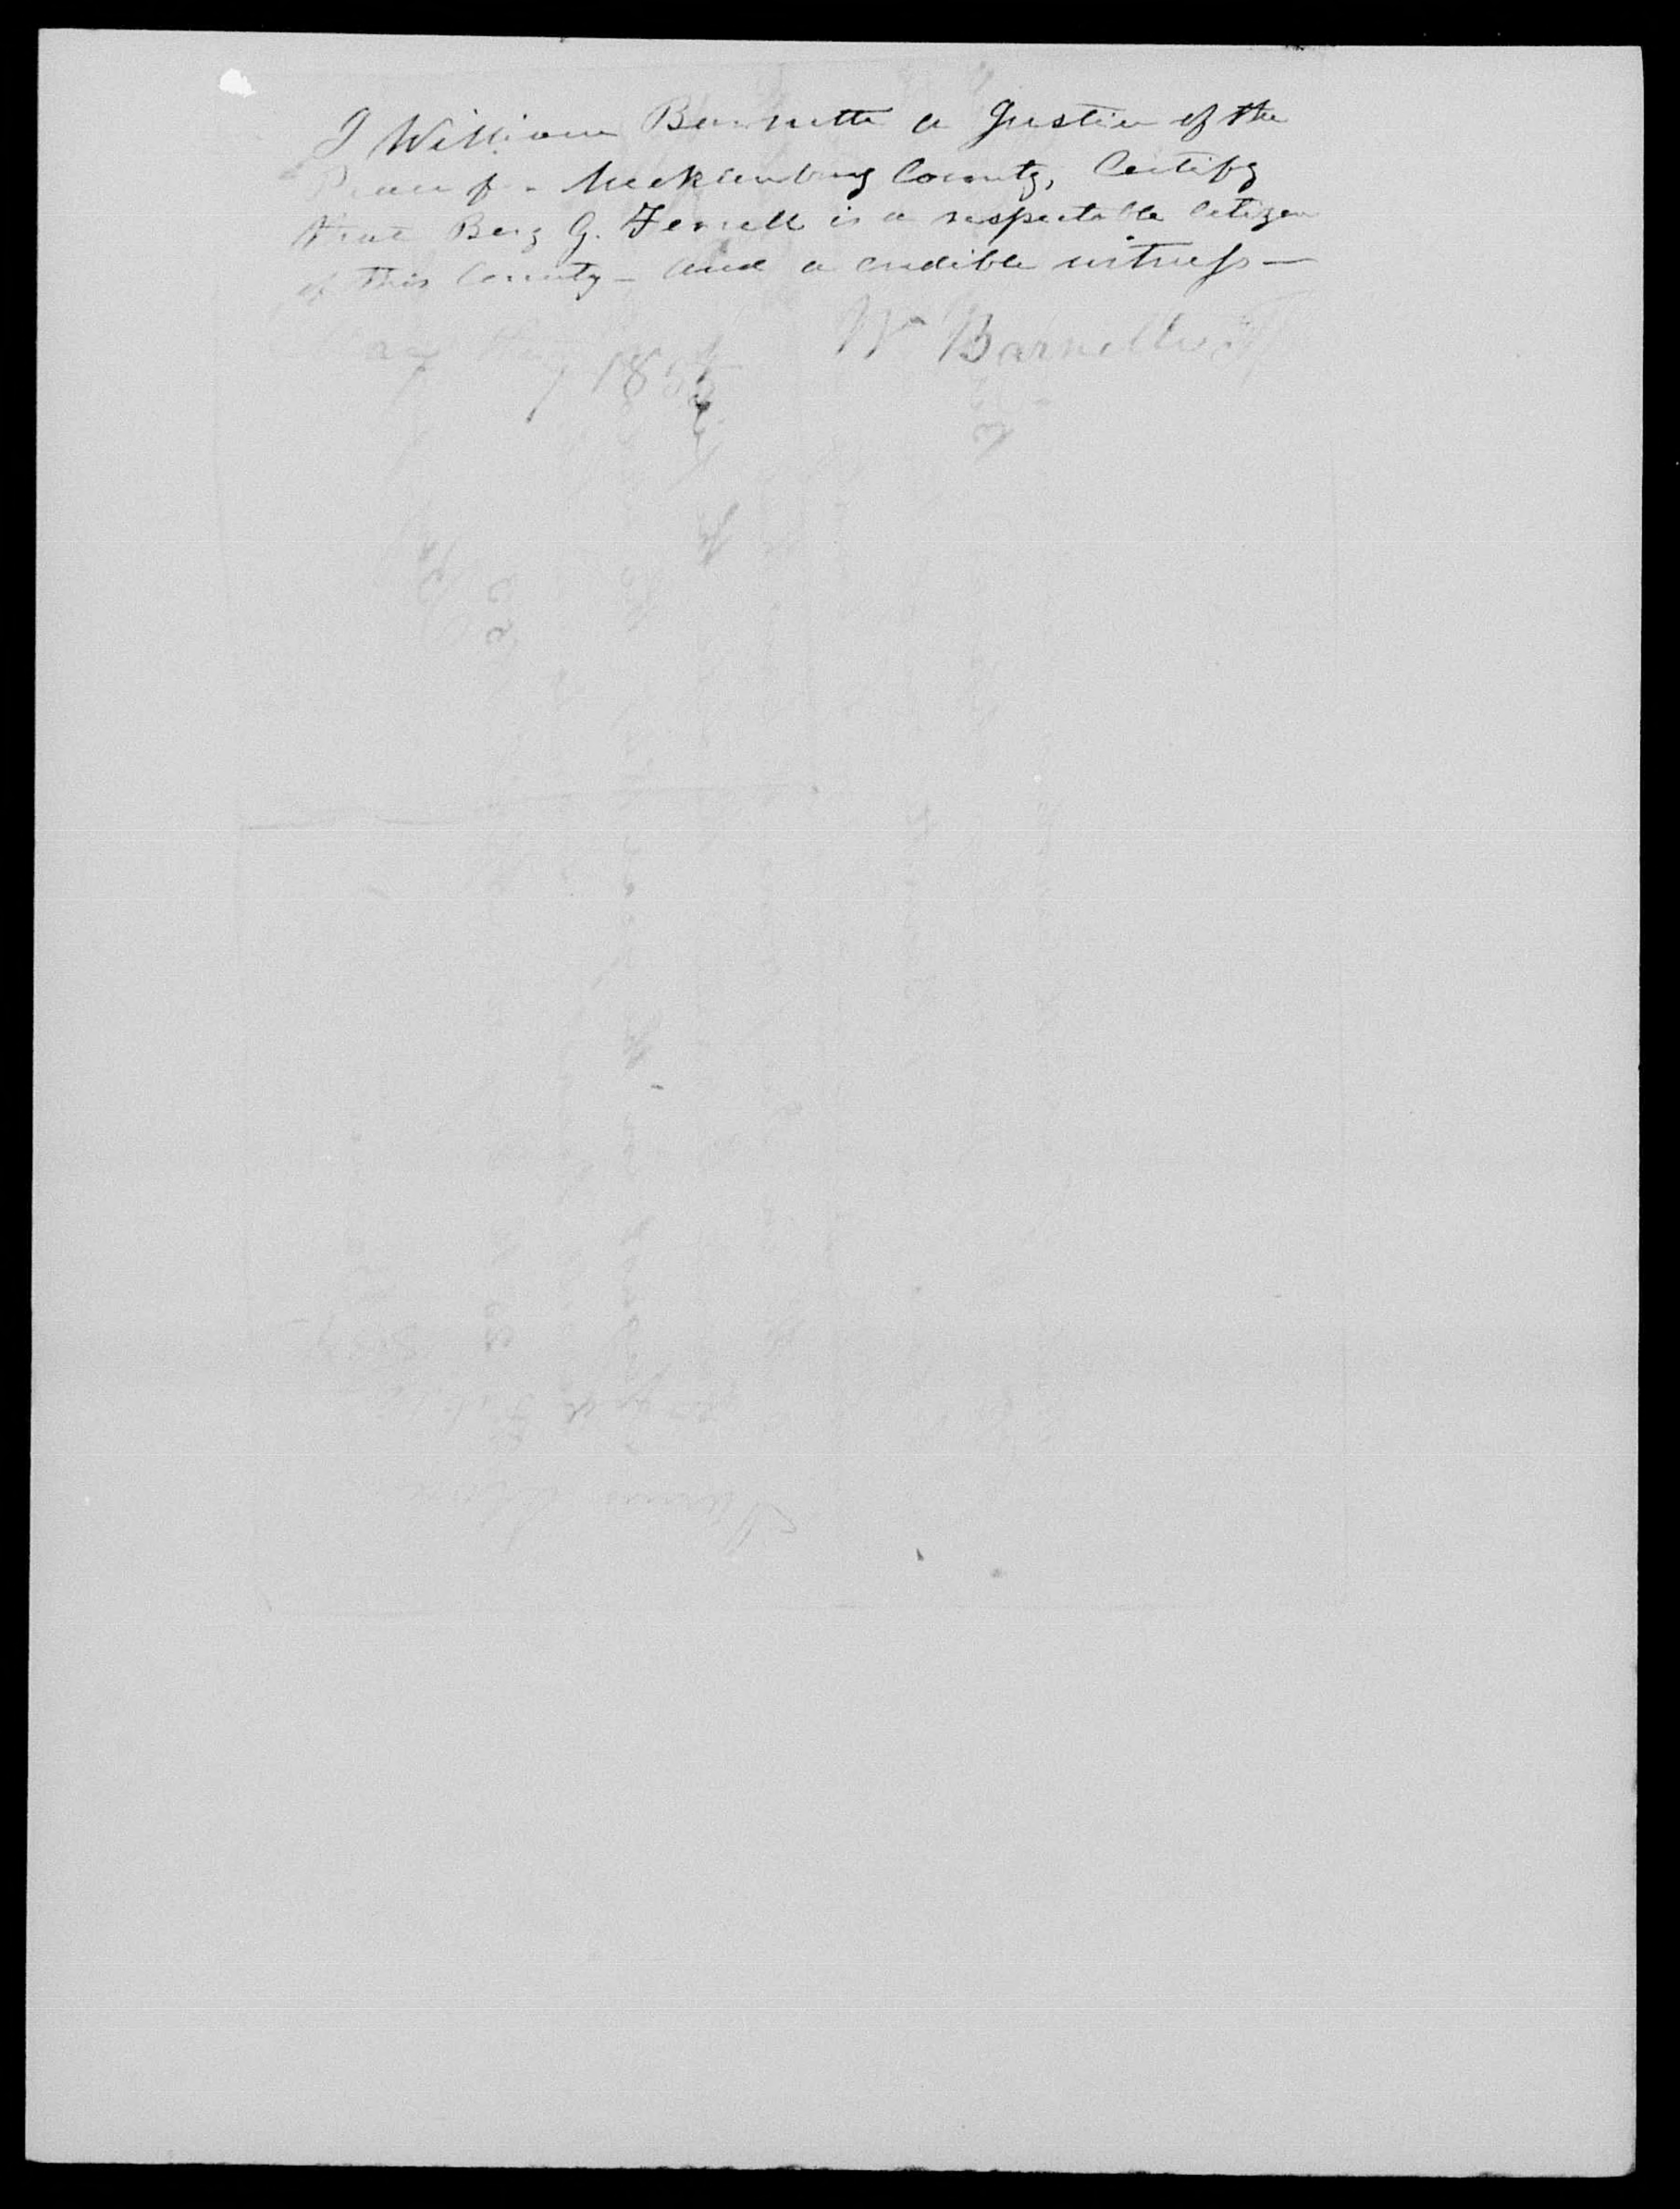I William Barnette a Justice of the Peace in Meckenburg County, certify that Berg. G. Ferrell is a respectable citizen of this county and a credible citizen.
W. Barnette JP
May :illegible: 1855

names: Bery G Ferrell, William Barnette, W Barnette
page: 41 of 52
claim: rejected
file: R. 3,512, John Ferrell, N.C.